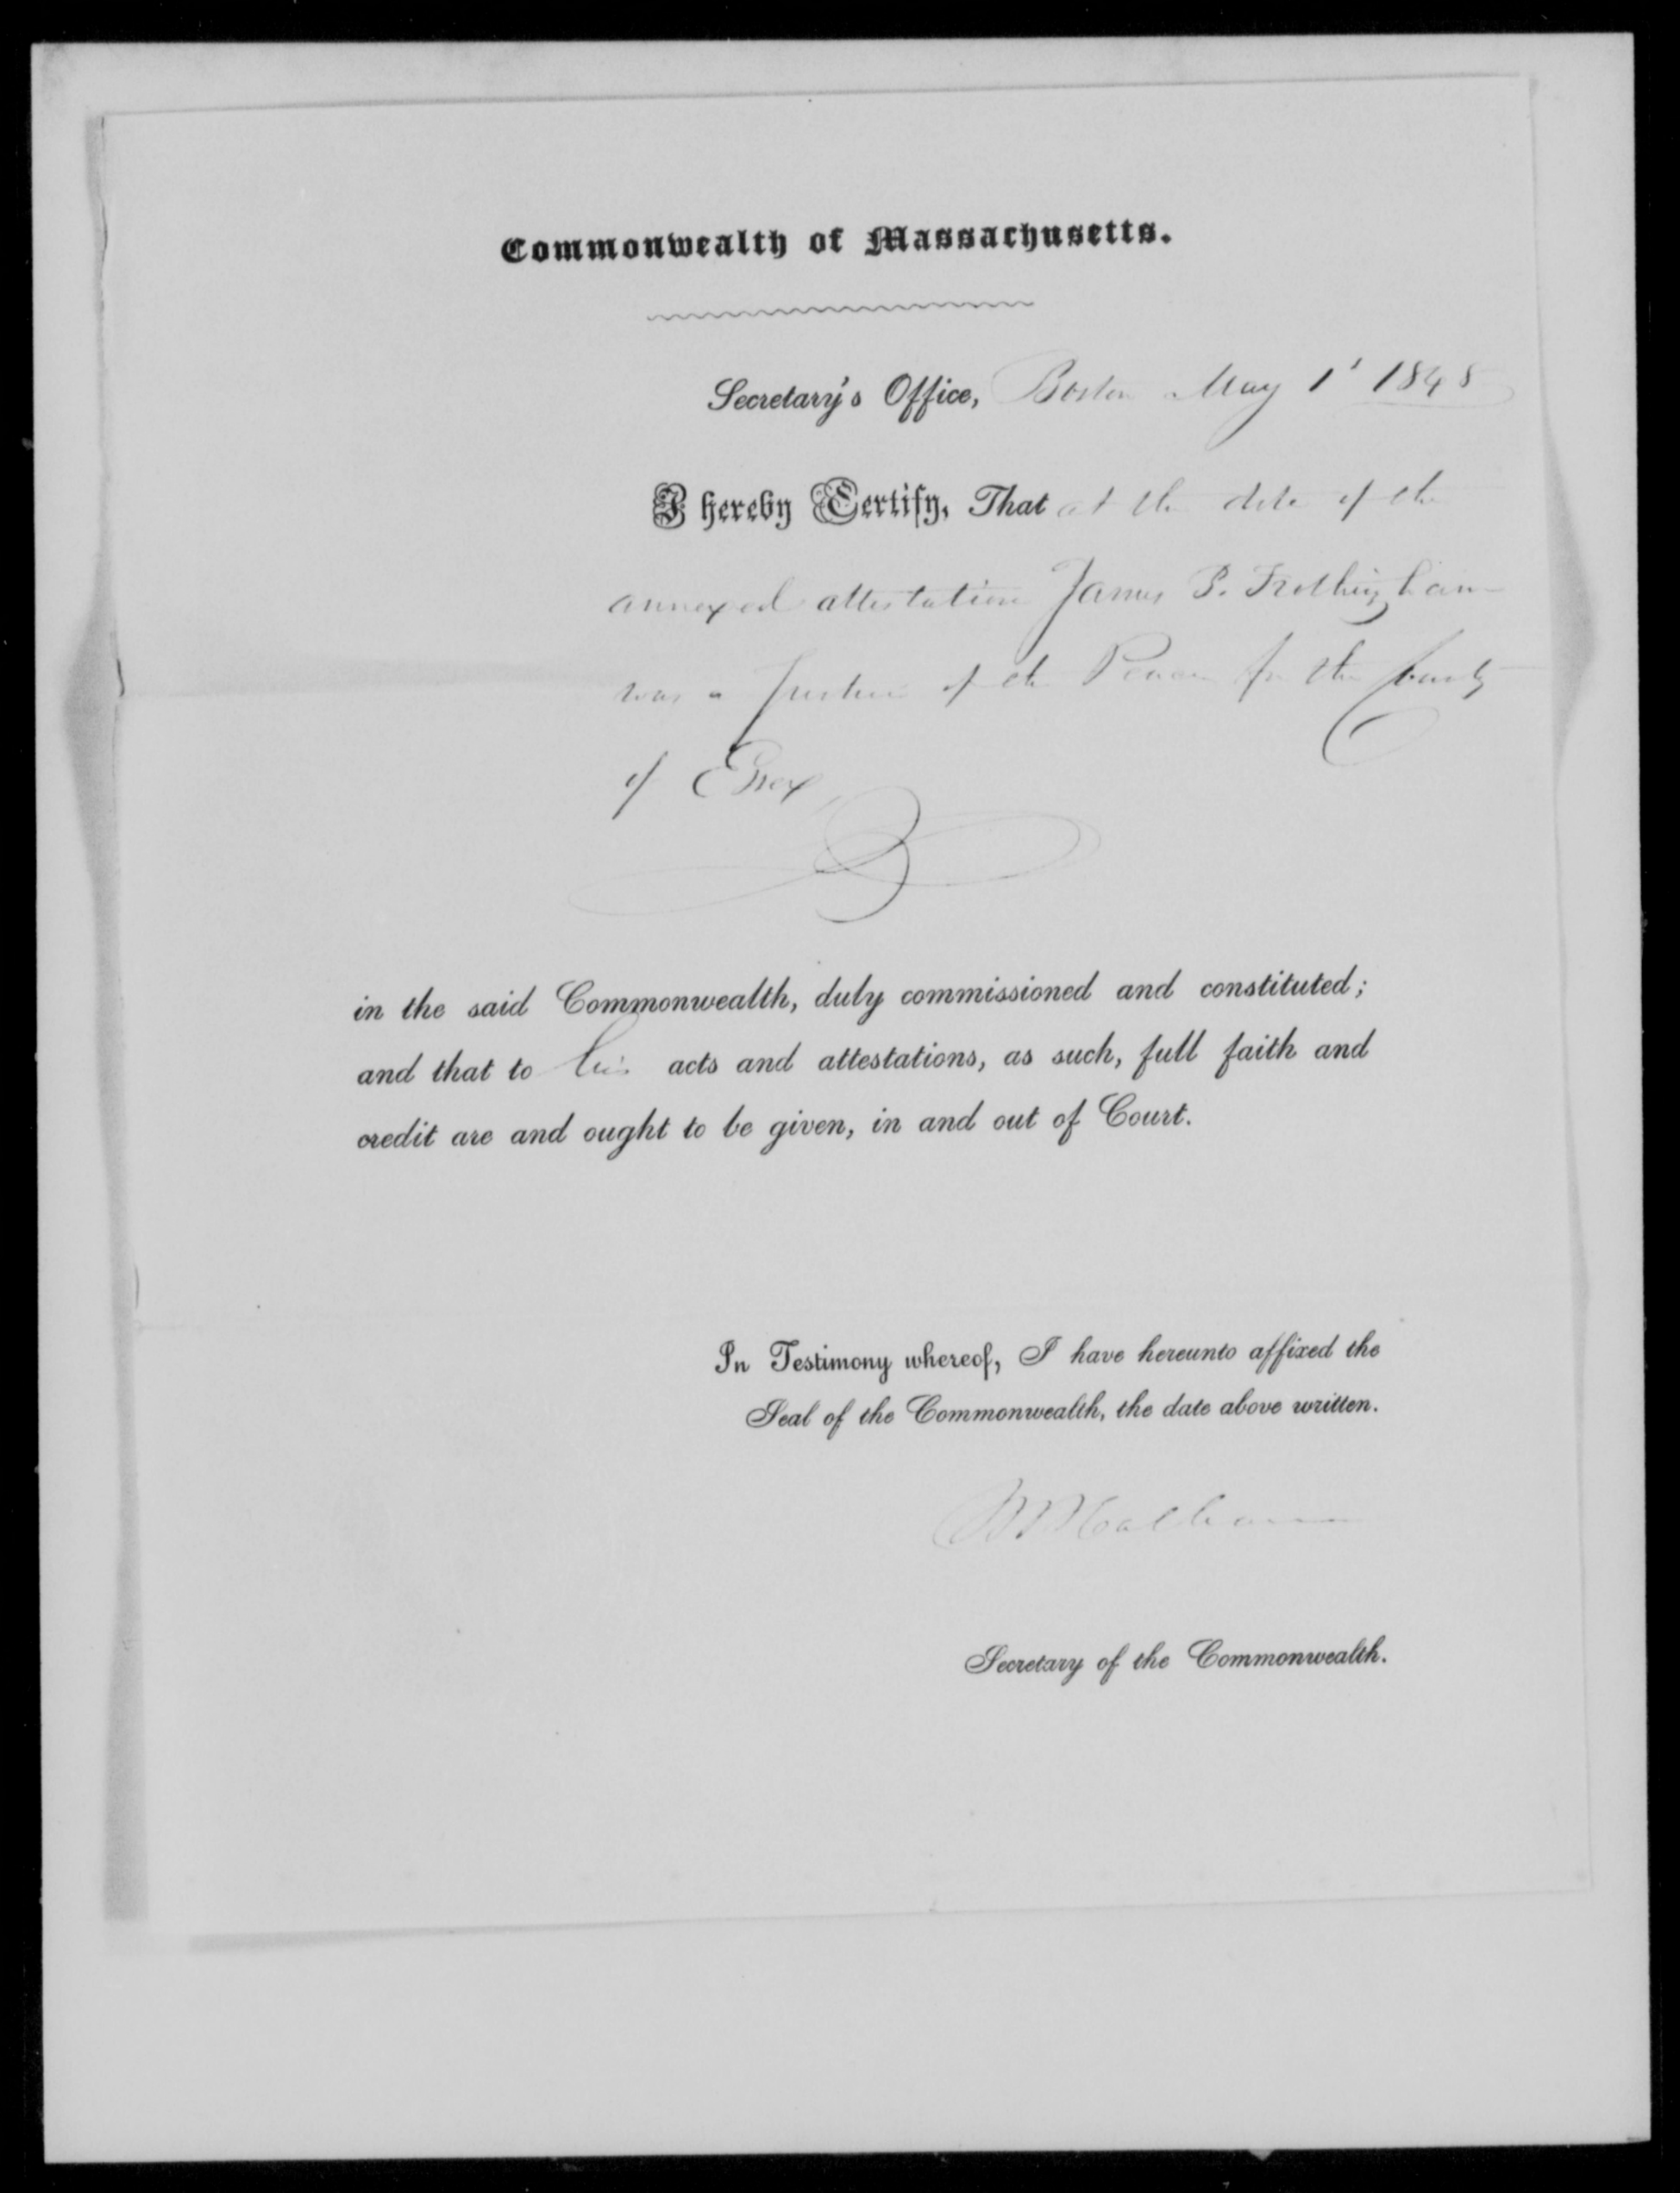Commonwealth of Massachusetts.
Secretary's Office, Boston May 1st 1848
I hereby Certify, That at the date of the annexed attestation James S. Frothingham was a
Justice of the Peace for the County of Essex
in the said Commonwealth, duly commissioned and constituted; and that to his acts and attestations, as such, full faith and credit are and ought to be given, in and out of Court.
In Testimony whereof, I have hereunto affixed the
Seal of the Commonwealth, the date above written
W B Calhoun
Secretary of the Commonwealth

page: 38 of 55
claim: widow's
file: W. 14,021, for Samuel Tilton, New Hampshire